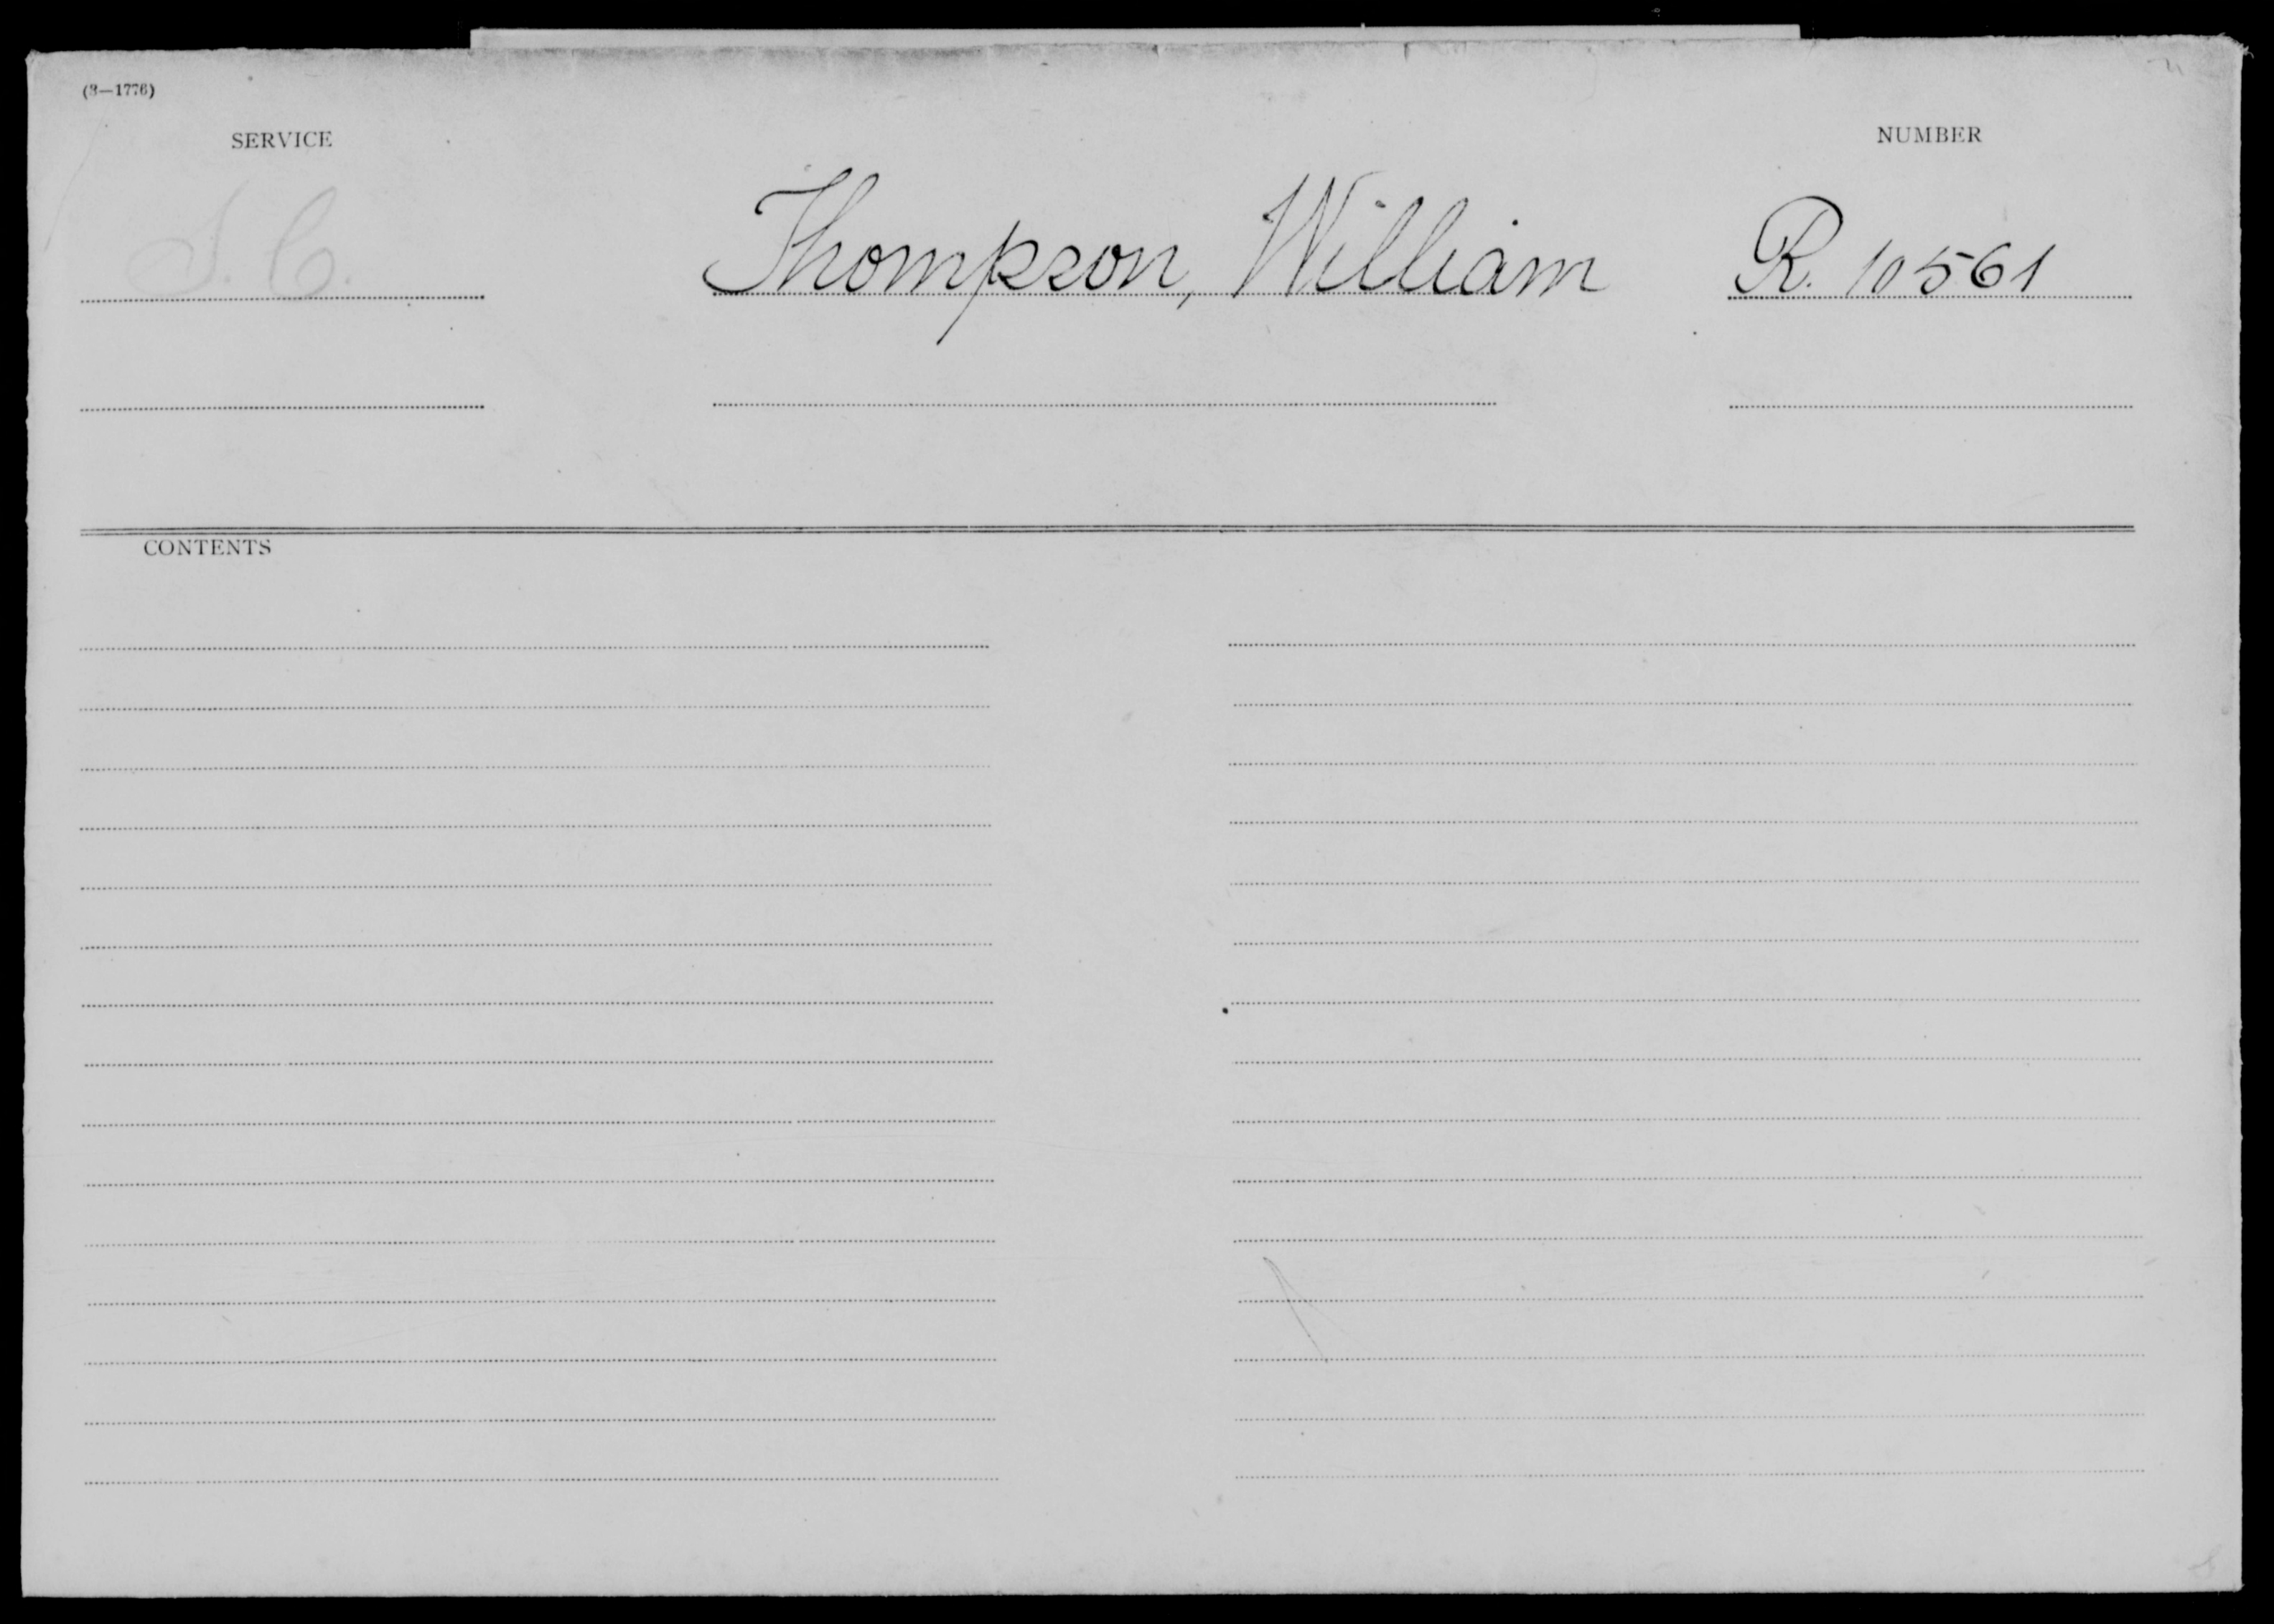(8-1776)
SERVICE SC
Thompson William
NUMBER R 10561

CONTENTS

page: 1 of 16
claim: rejected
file: R. 10561, for William Thompson, South Carolina